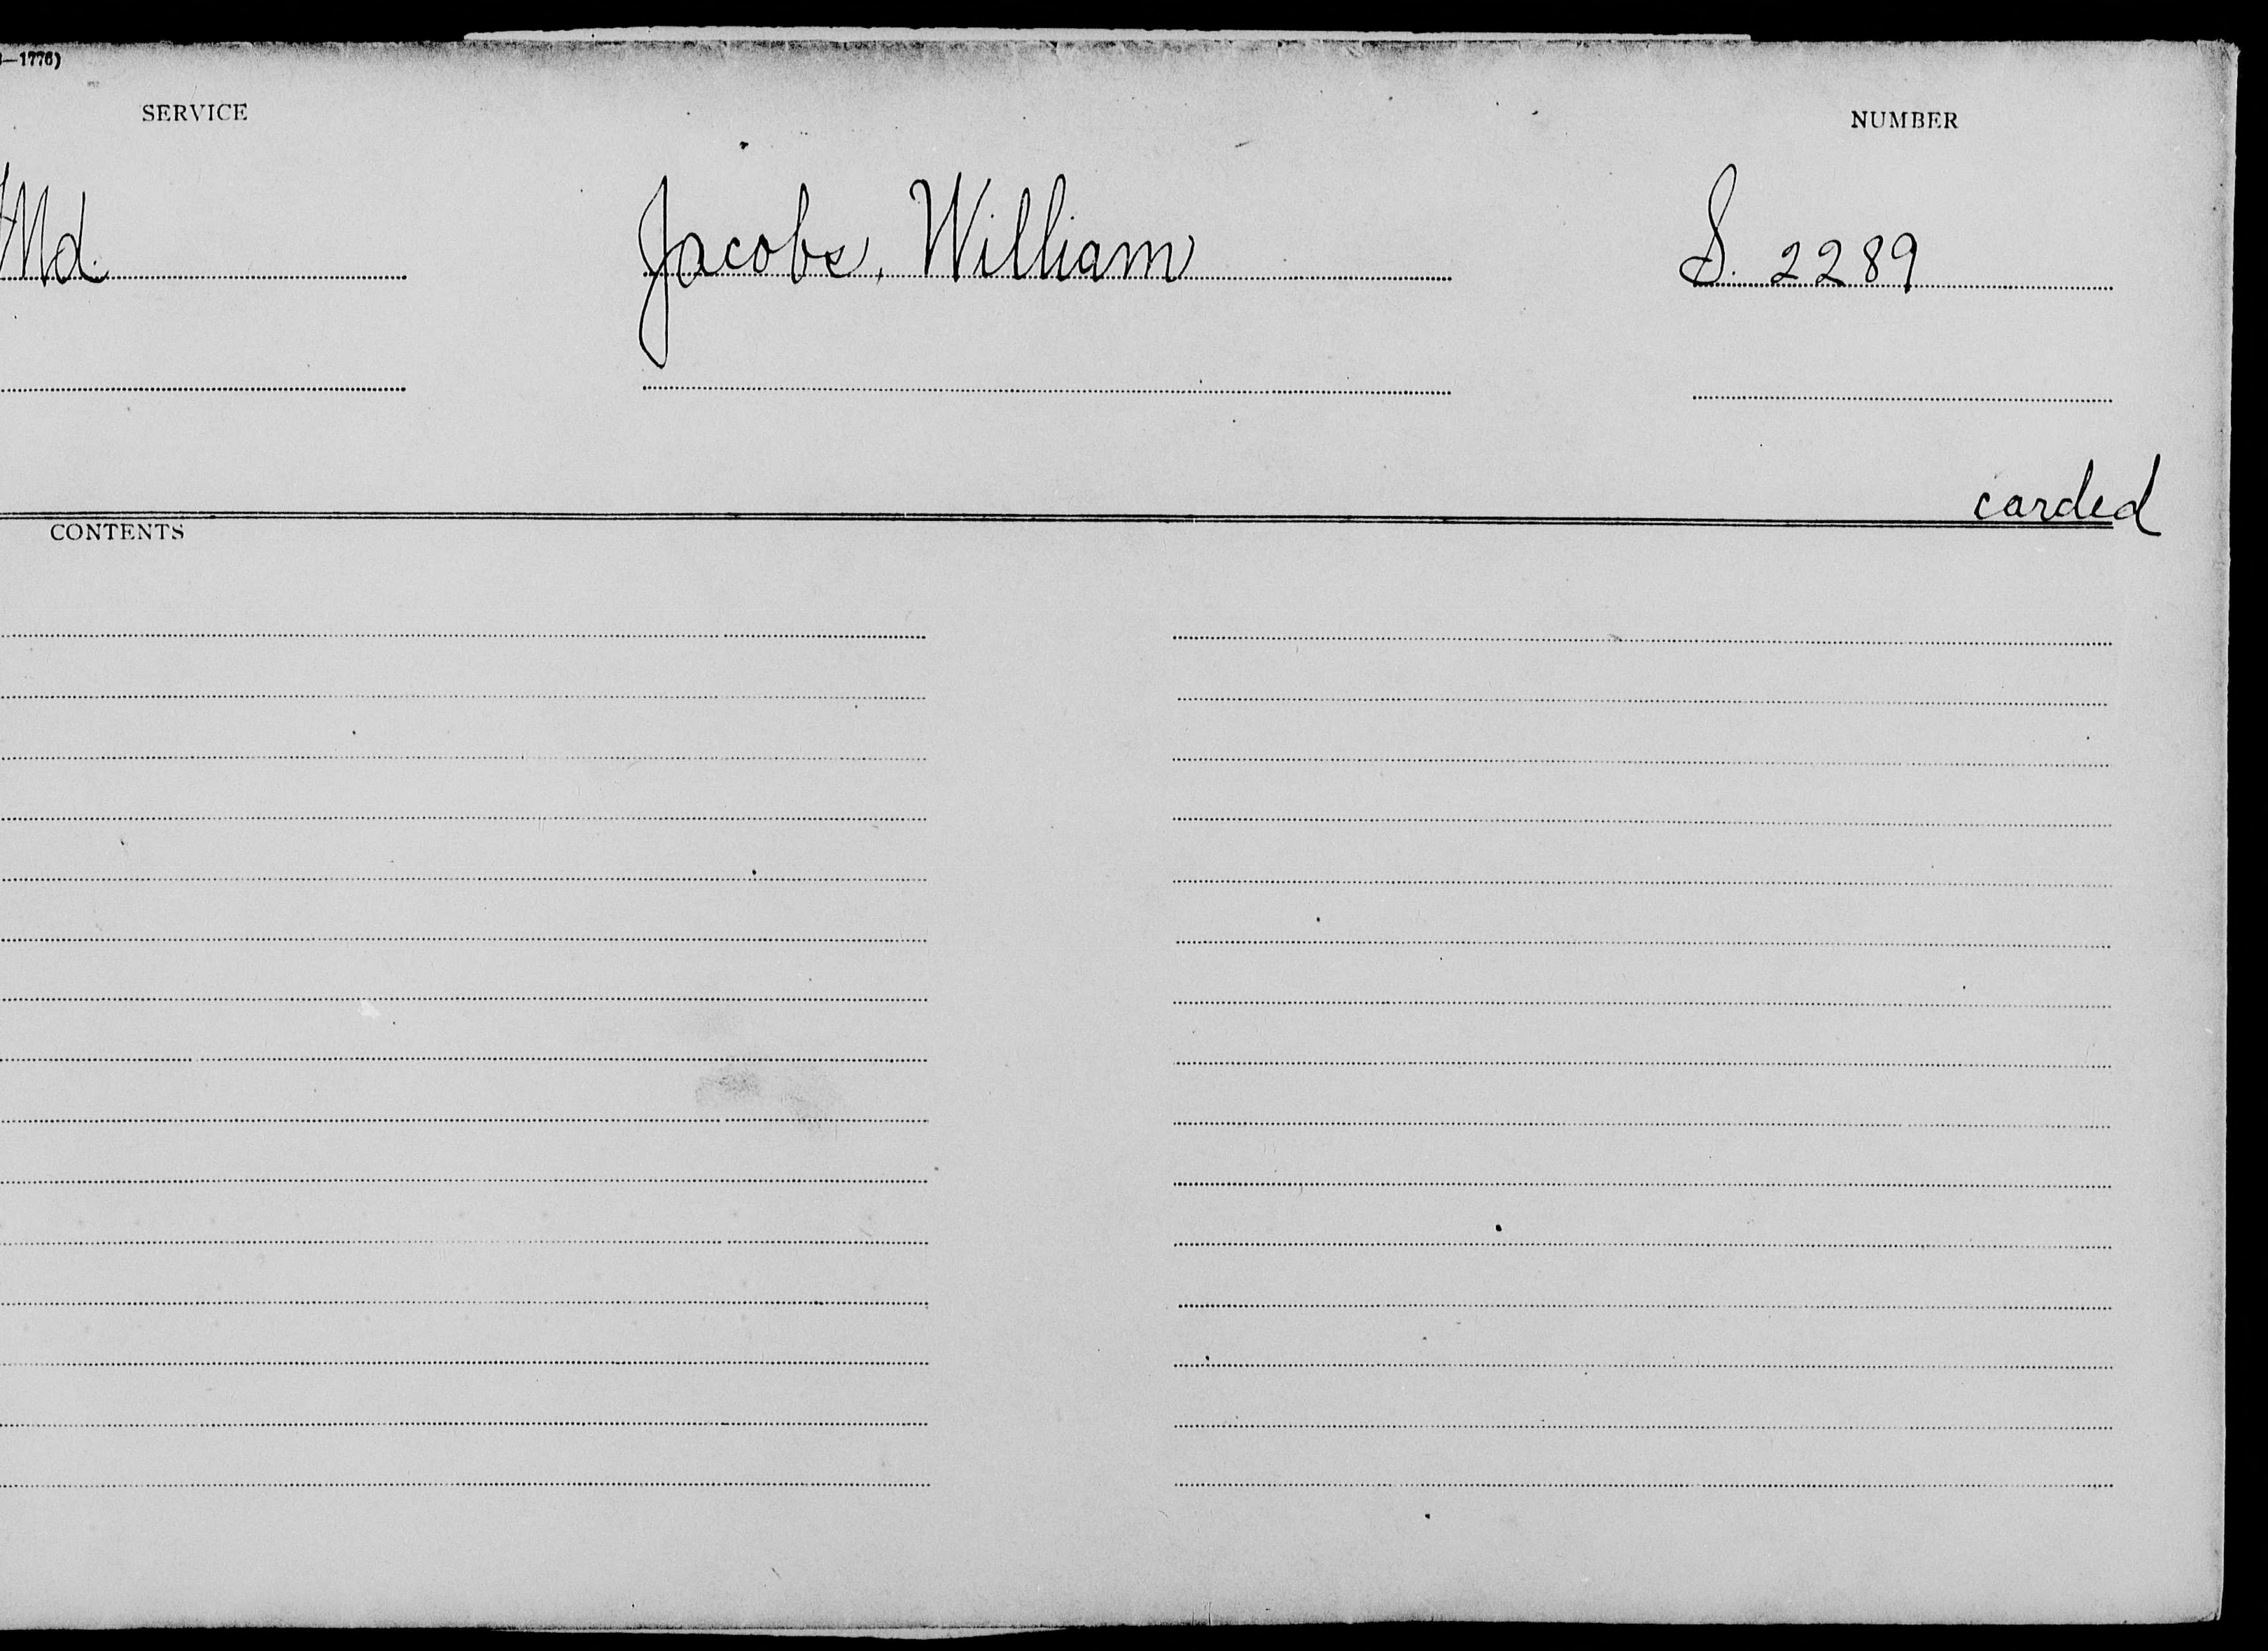Service
MD

Jacobs, William

Number
S.2289

Carded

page: 1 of 23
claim: survivor's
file: S. 2289, for William Jacobs, Maryland